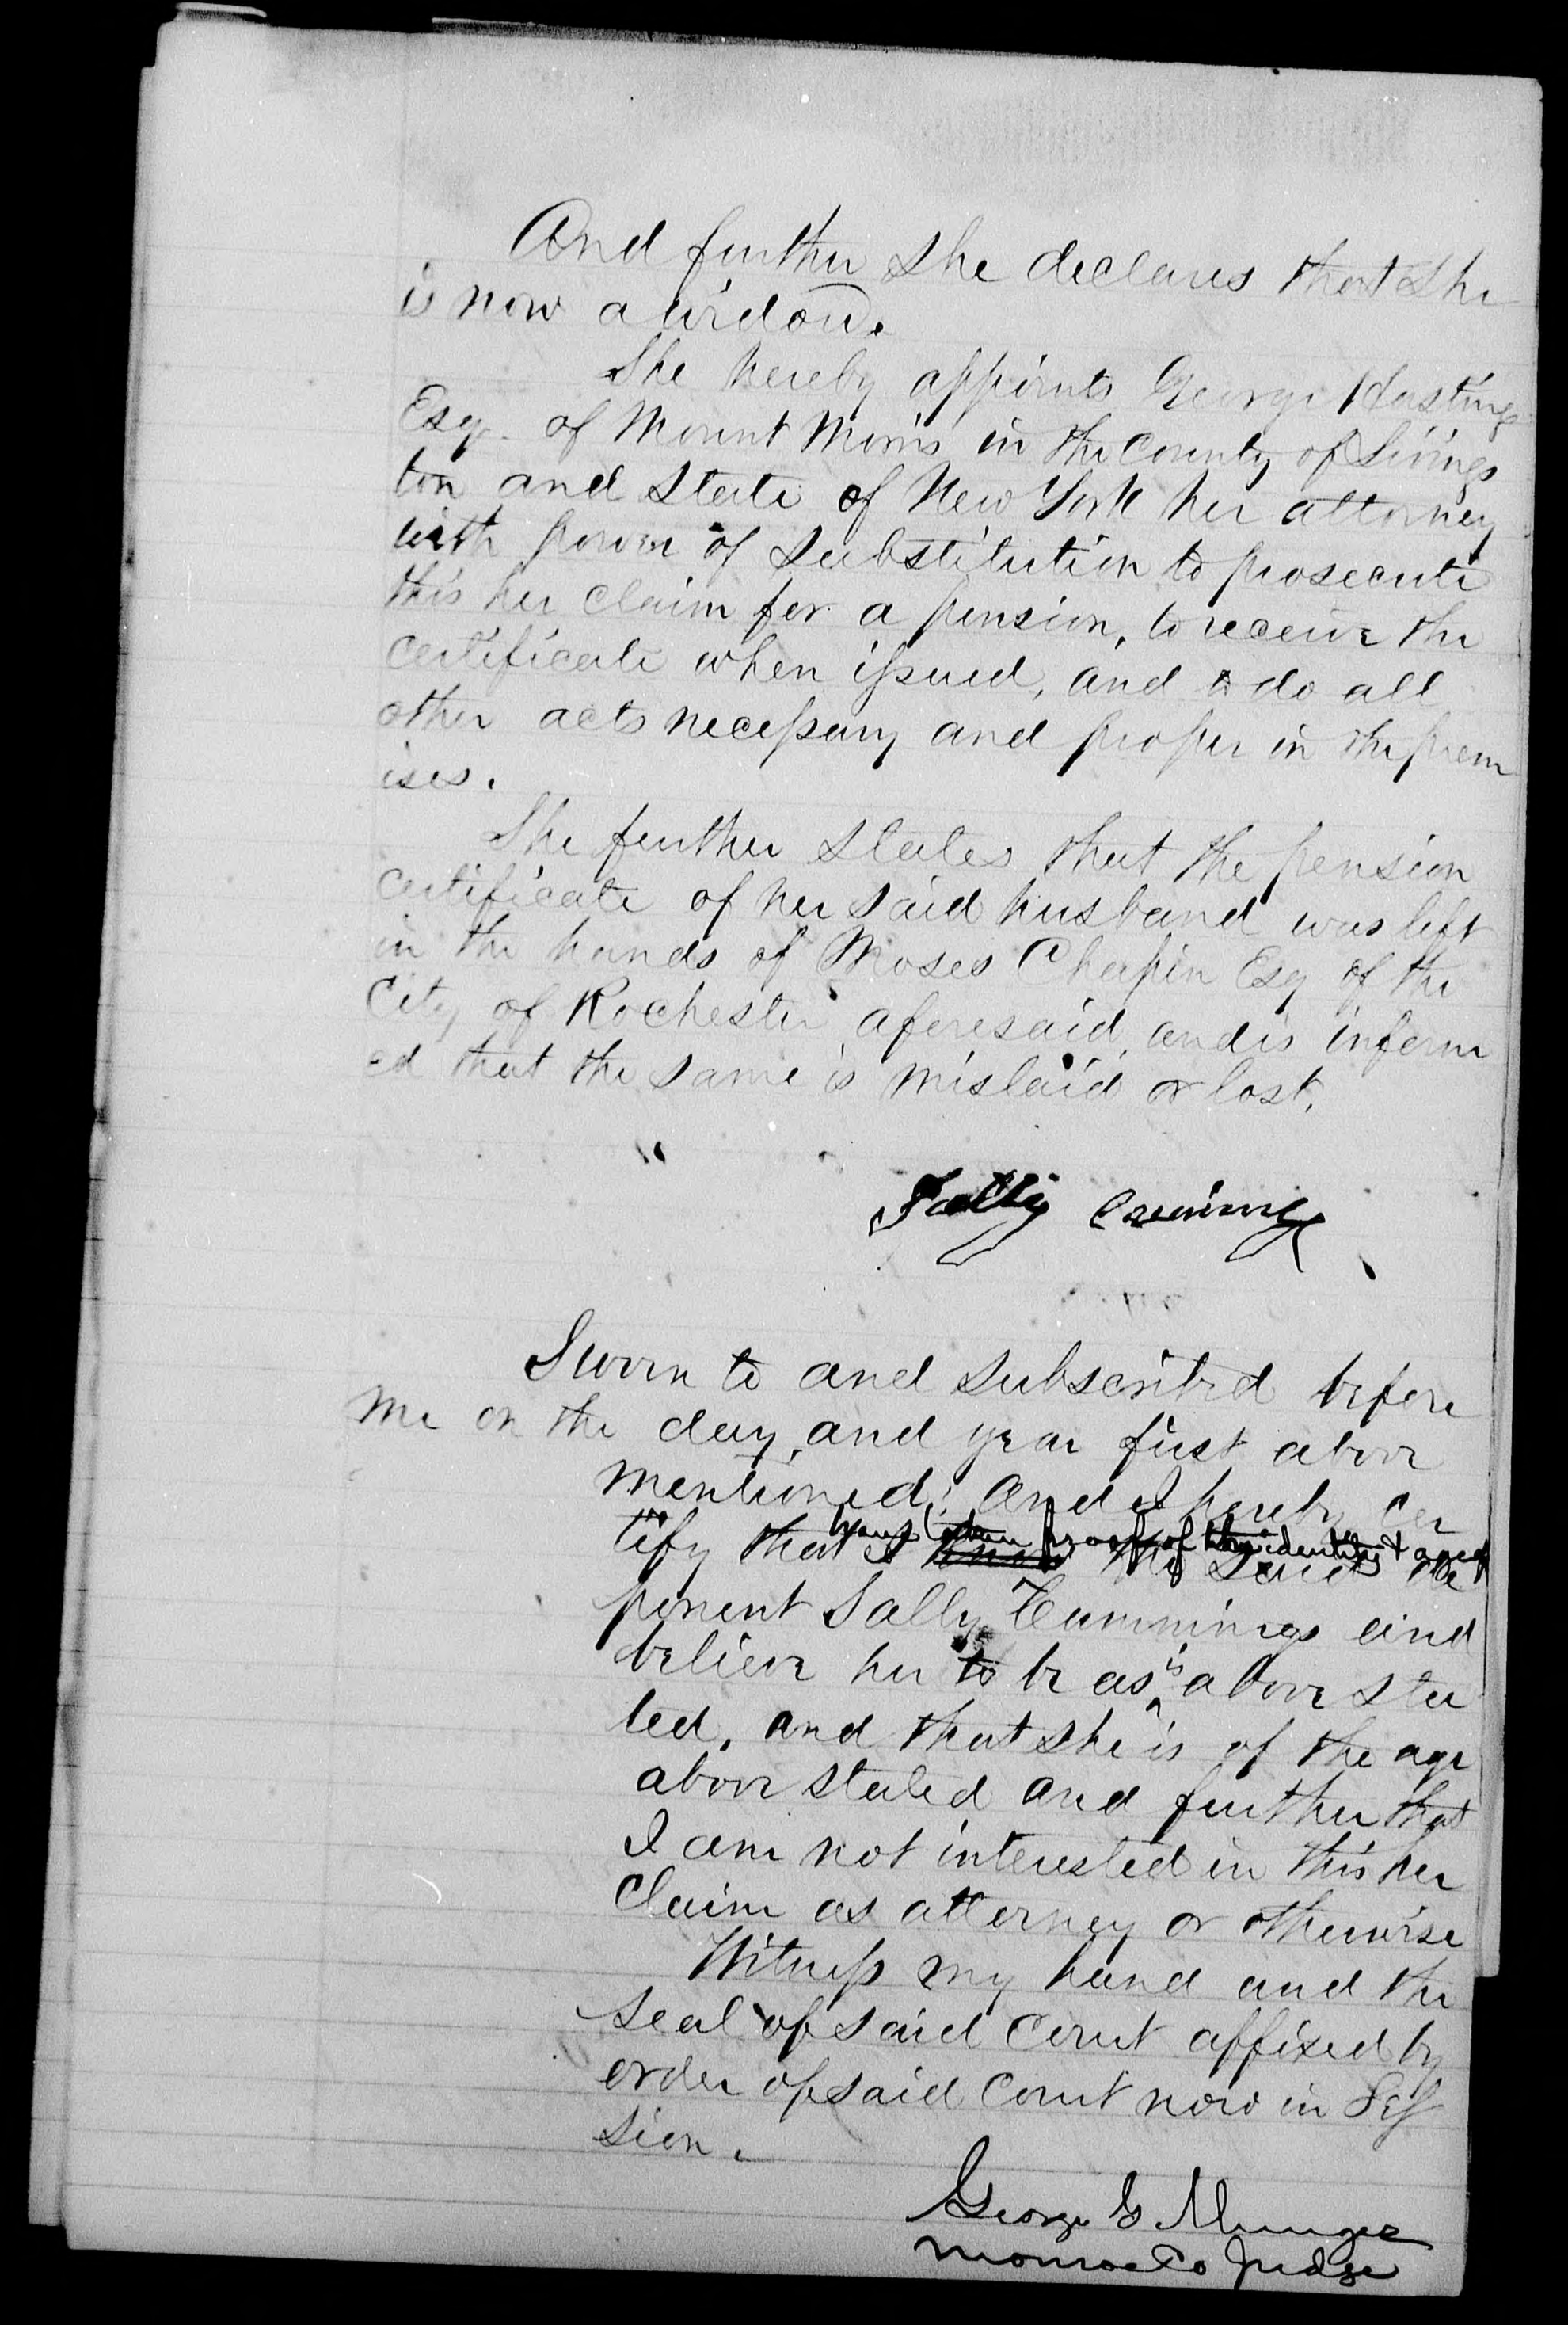And further she declares that she
is now a widow.
she hereby appoints George Hastings
Esq. of Mount Morris in the County of Livings
ton and State of New York her attorney
with power of substitution to prosecute
this her claim for a pension, to receive the
certificate when issued, and to do all
other acts necessary and proper in the prem
She further states that the pension
certificate of her said husband was left
in the hands of Moses Chapin Esq of the
City of Rochester aforesaid and is informed
that the same is mislaid or lost,
Sally Greening
Sworn to and subscribed before
me on the day and year first above
mentioned, and I hereby
Certify that
inherent Sally Cummings and
believe her to be as is above stee
ted, and that she is of the age
above stated and further that
I am not interested in this her
claim as attorney or otherwise
Witness my hand and the
Seal of said Court affixed by
order of said Court now in session
George G Munger
 Judge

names: George G Munger, George Hasting, Sally Cumings, Sally Cummings, Moses Chapin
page: 19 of 41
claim: widow's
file: W. 9819, Nathaniel Cumings, Vt.